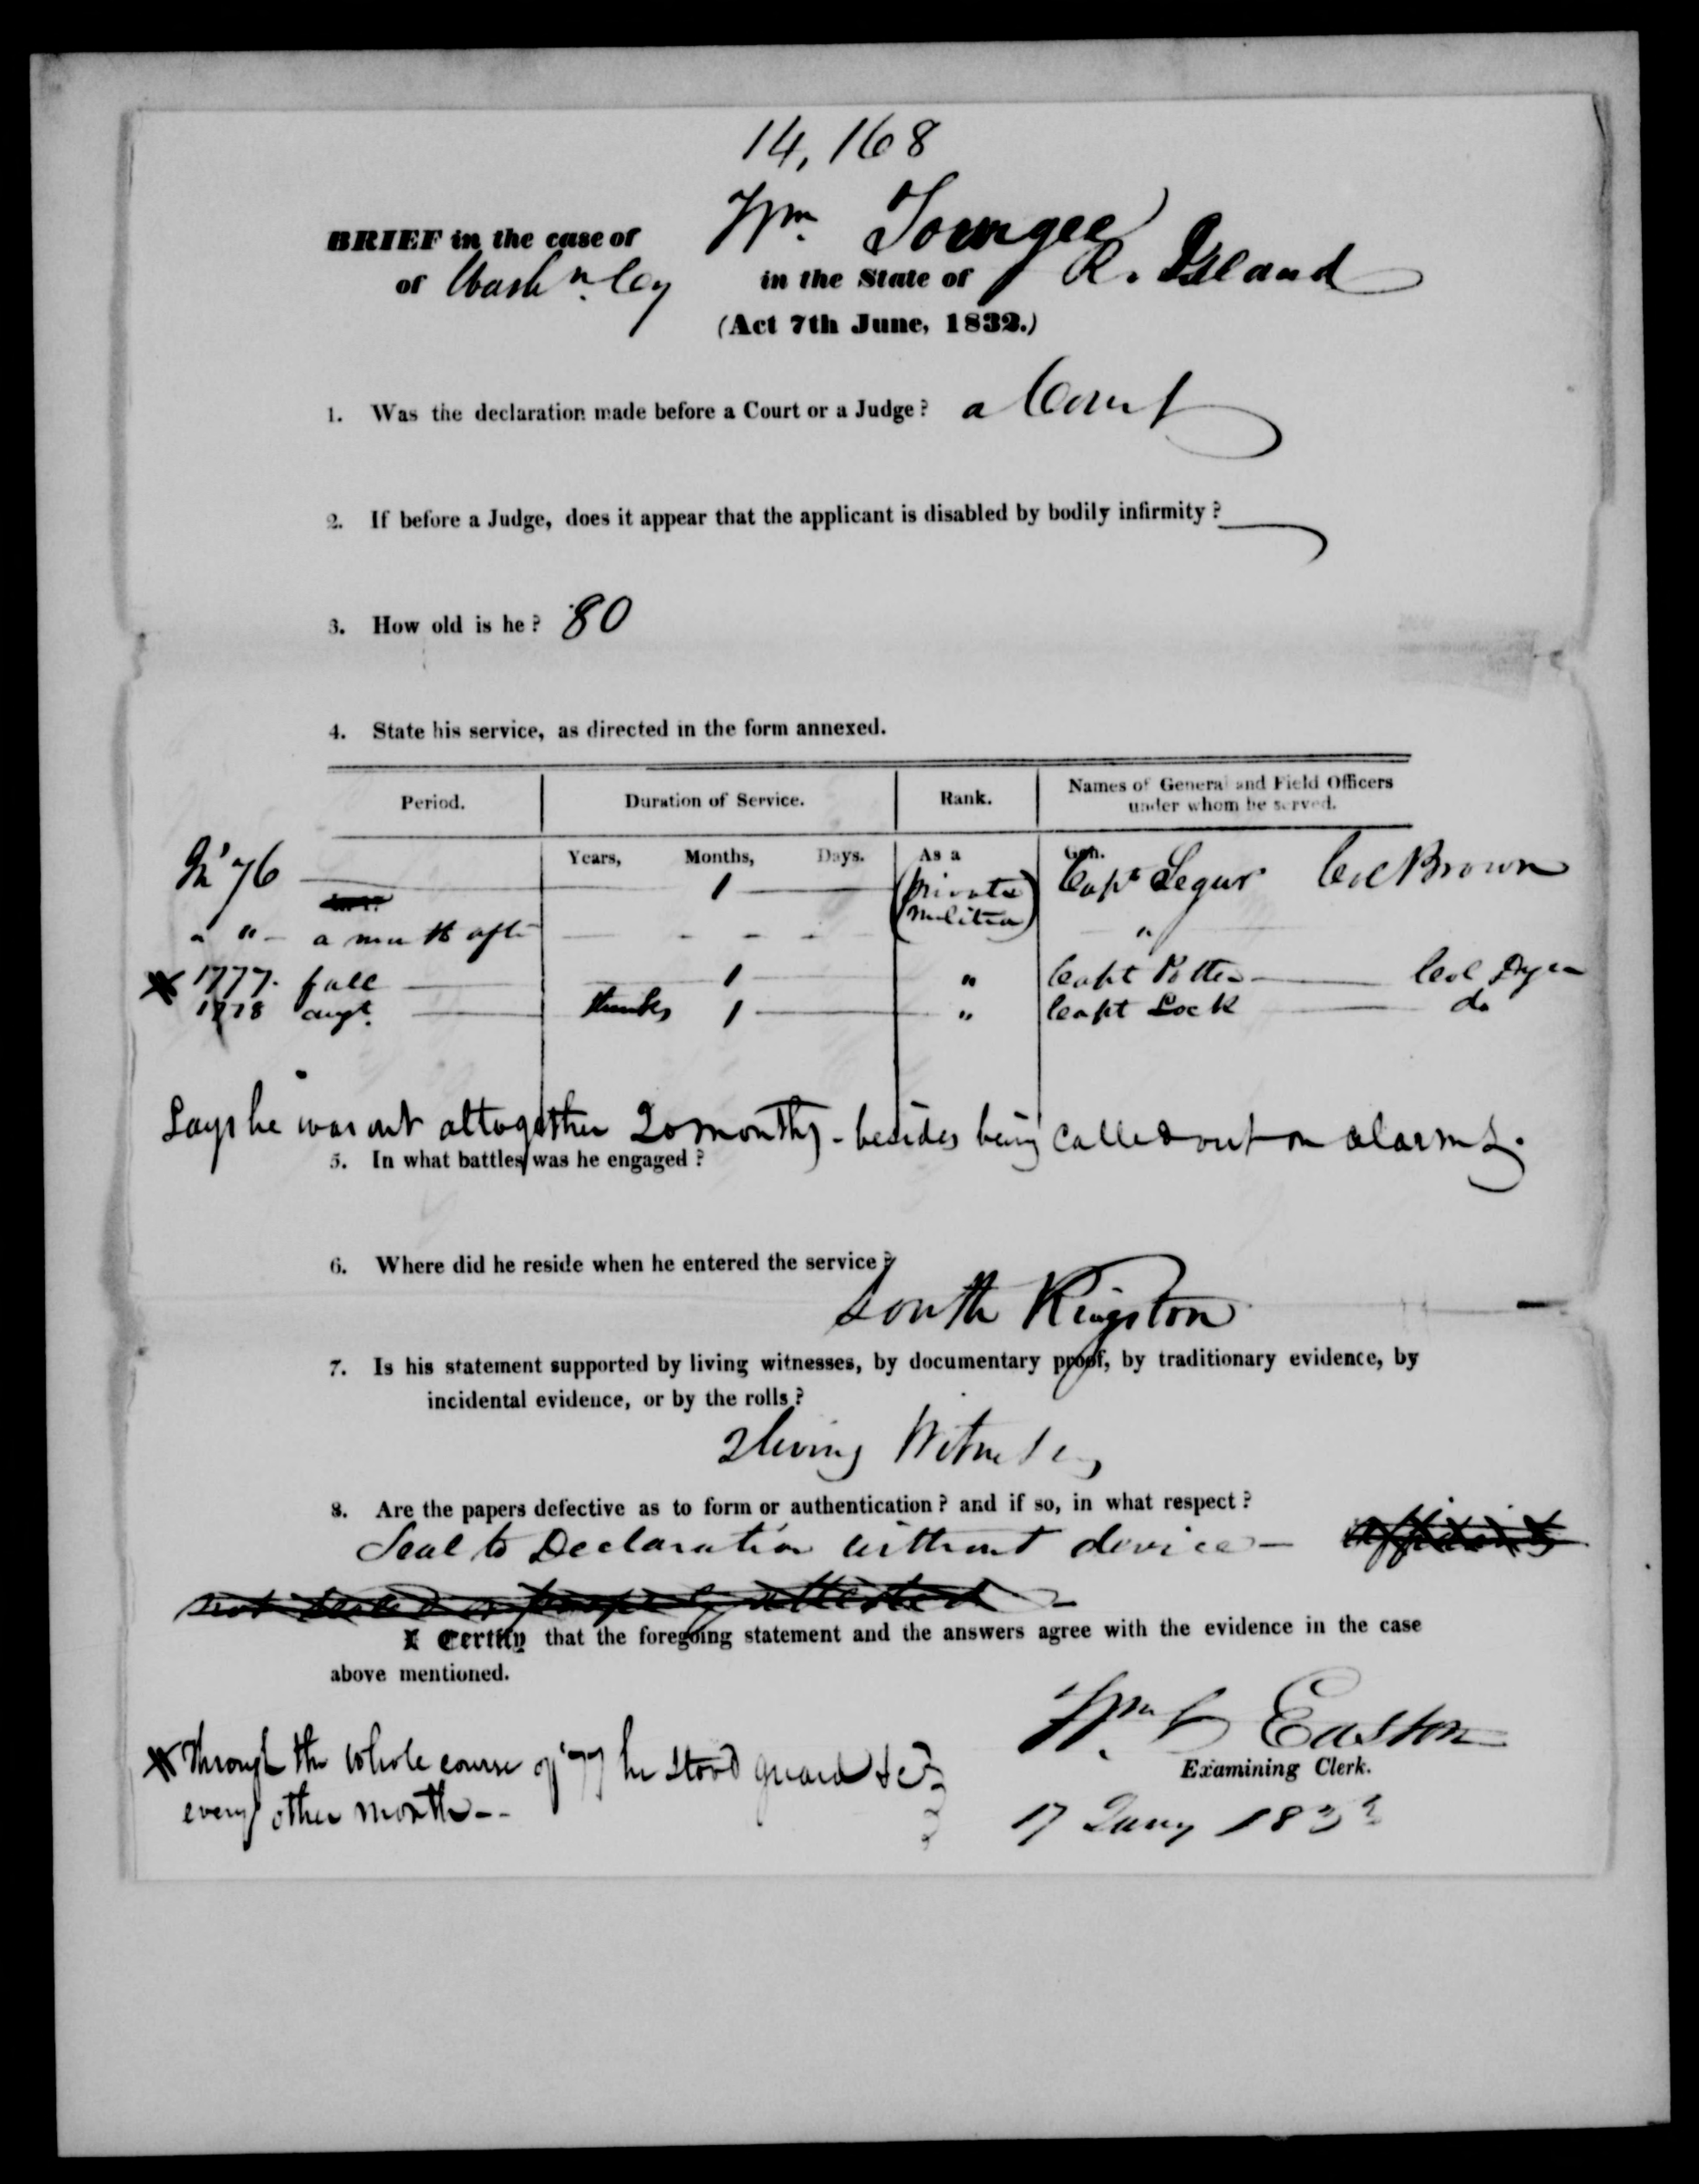14,168
BRIEF in the case of Wm. Tourgee
of [illegible] in the State of R. Island
(Act 7th June, 1832.)
1. Was the declaration made before a Court or a Judge? a Court
2. If before a Judge, does it appear that the applicant is disabled by bodily infirmity?
3. How old is he? 80
4. State his service, as directed in the form annexed.
Period. Duration of Service. Rank. Names of General and Field Officers under whom he served.
Years, Months, Days. As a. Gen.
In '76. 1. (private). Capt Segur. Col Brown.
" " a month after. (militia). ".
x1777. fall. 1. ". Capt Potter Col Dyer.
1778 augt. thinks 1. " Capt Lock &.
Says he was out altogether 20 months-besides being called out on alarms.
5. In what battles was he engaged?
6. Where did he reside when he entered the service? South Kingston
7. Is his statement supported by living witnesses, by documentary proof, by traditionary evidence, by incidental evidence, or by the rolls? Living Witnesses
8. Are the papers defective as to form or authentication? and if so, in what respect?
Seal to Declaration without device [illegible crossed out writing] 
Certify that the foregoing statement and the answers agree with the evidence in the case
above mentioned.
Wm C Easton
Examining Clerk.
17 June 1832
xThrough the whole course of '77 he stood guard every other month--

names: Wm Tourgee, Segur, Potter, Brown, Lock, Dyer, Wm C Easton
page: 8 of 21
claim: survivor's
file: S. 21537, William Tourgee, R.I.